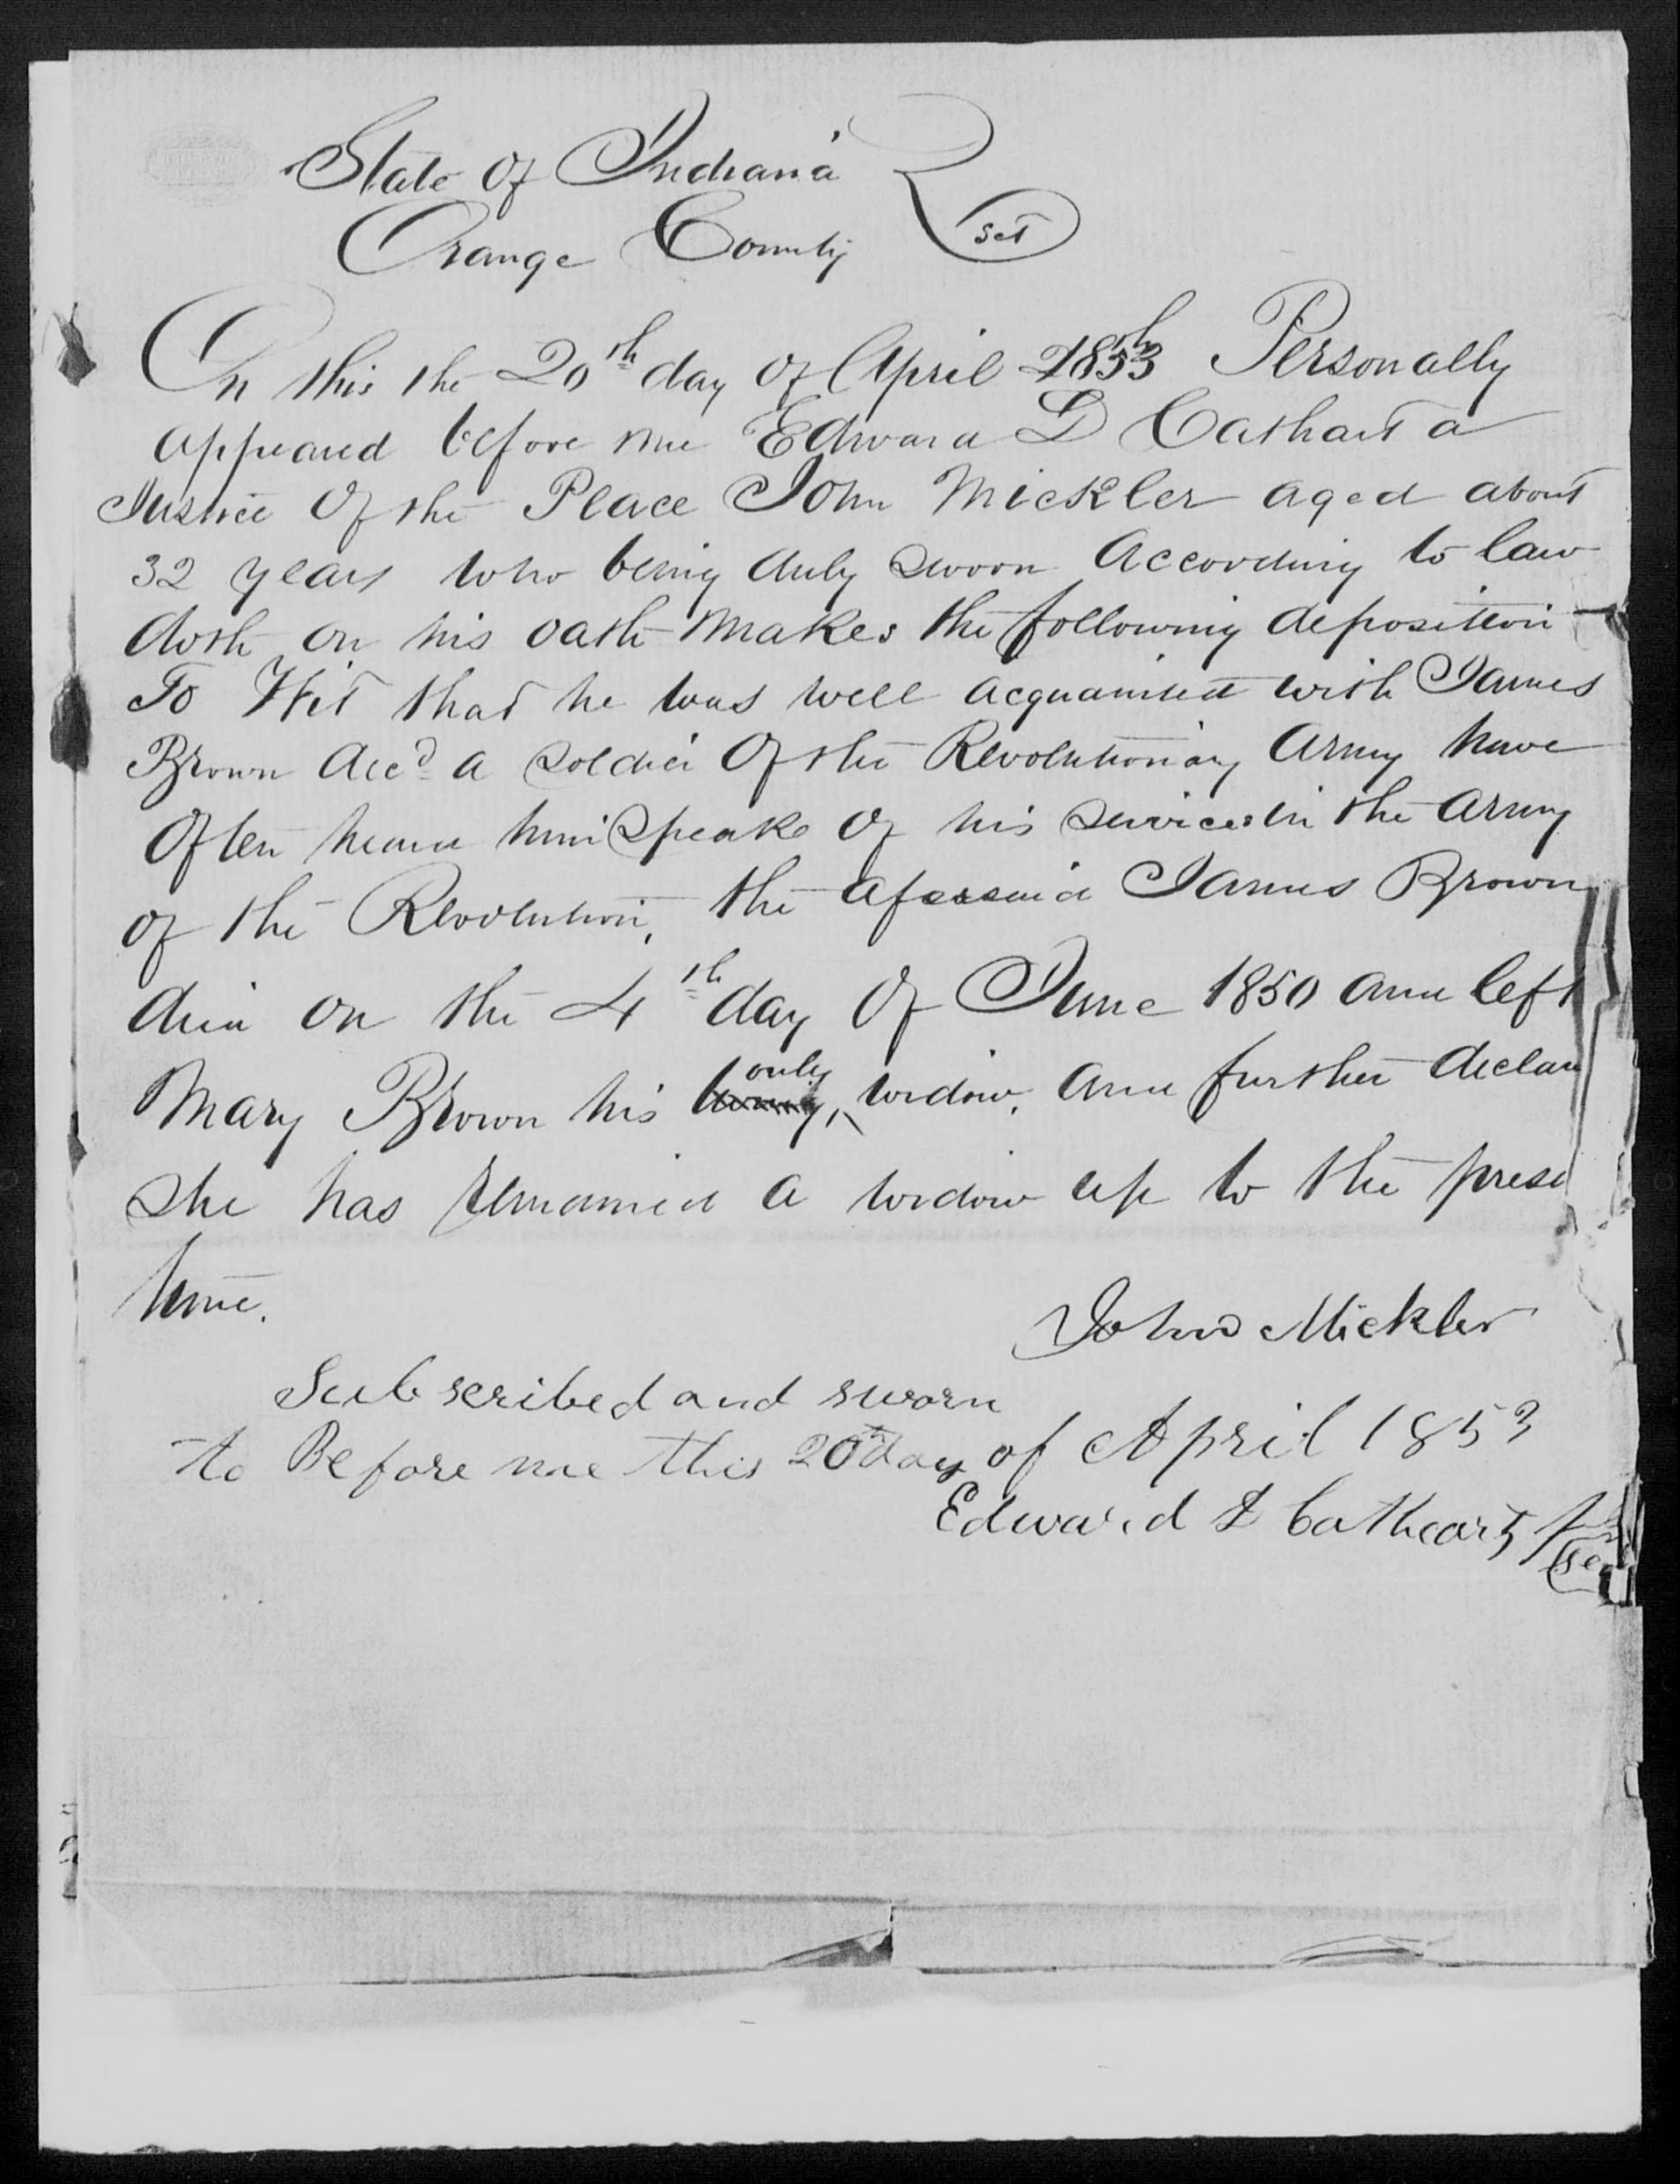State of Indiana Orange County
On this the 20th day of April 1853 Personally appeared before me Edward D Cathart a Justice of the Peace John Mickler aged about
32 years who being duly sworn according to law doth on his oath makes the following deposition 
To Wit that he was well acquainted with James Brown decd a soldier of the Revolutionary Army have
often heard him speak of his service in the Army of the Revolution, the aforesaid James Brown die on the 4th day of June 1850 and left
Mary Brown his widow. And further declares she has remained a widow up to the present time.
s/ John Mickler
Subscribed and sworn to before me this 20 day of April 1853
s/ Edward D Cathcart JP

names: Edward D Cathart, Edward D Cathcart, James Brown, Mary Brown, John Mickler, John Mickler, James Brown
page: 22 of 41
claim: rejected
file: R. 1309, James Brown, S.C.